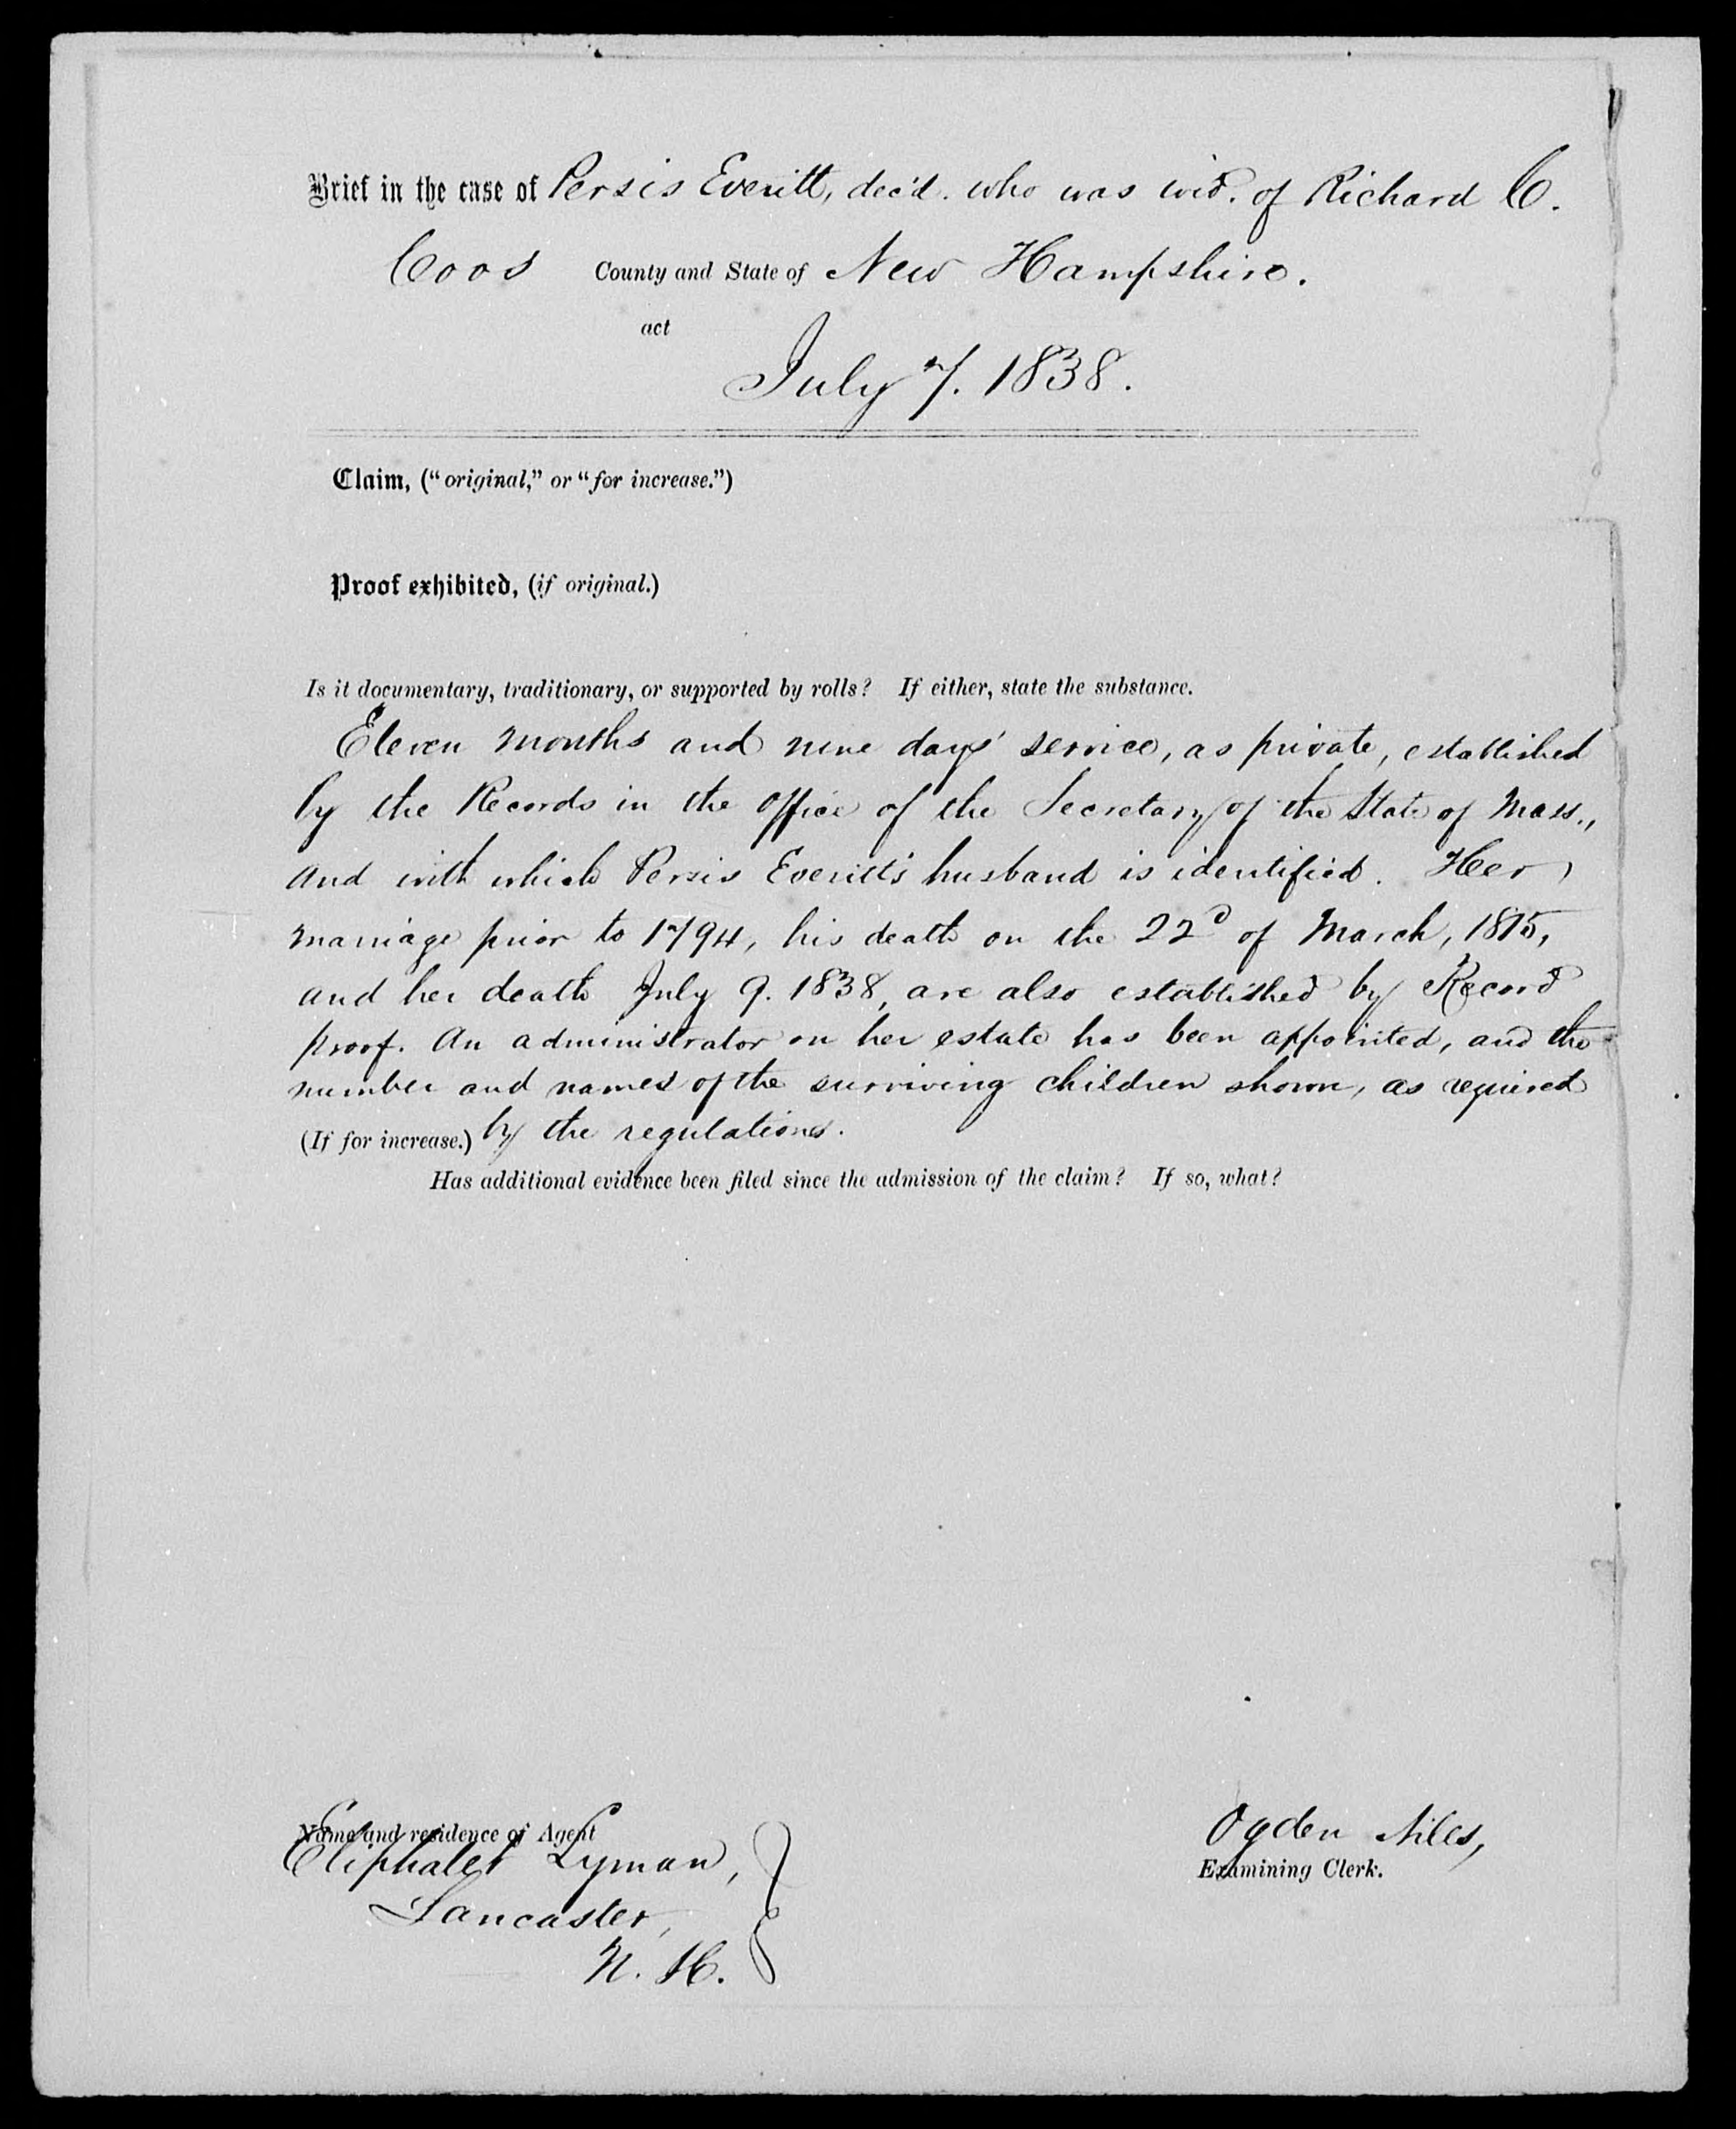Brief in the case of Persis Everitt, dec'd who was wid. of Richard C.
Coos County and State of New Hampshire
 act July 7. 1838.

Claim ("original", or " for increase.)
     [blank]

Proof exhibited, (if original.)
Is it documentary, traditionary, or supported by rolls? If either, state the substance.
     Eleven months and nine days service, as private, established by the Records in the office of the Secretary of the State of Mass. and with which Persis Everitt's husband is identified. Her marriage prior to 1794, his death on the 22d of March, 1815, and her death July 9. 1838, are also established by Record proof. An administrator on her estate has been appointed, and the number and names of the surviving children shown, as required by the regulations.

(If for increase.) 

Has any additional evidence been filed since the admission of the claim? If so, what?
     [blank]


Name and residence of Agent 
Eliphalet Lyman (signature)
Lancaster, N.H.

Ogden Niles,  (signature)
Examining Clerk.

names: Eliphalet Lyman, Persis Everitt, Ogden Niles, Richard C Coos, Persis Everitt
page: 28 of 59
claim: widow's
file: W. 23017, Richard Clair Everett, Mass.